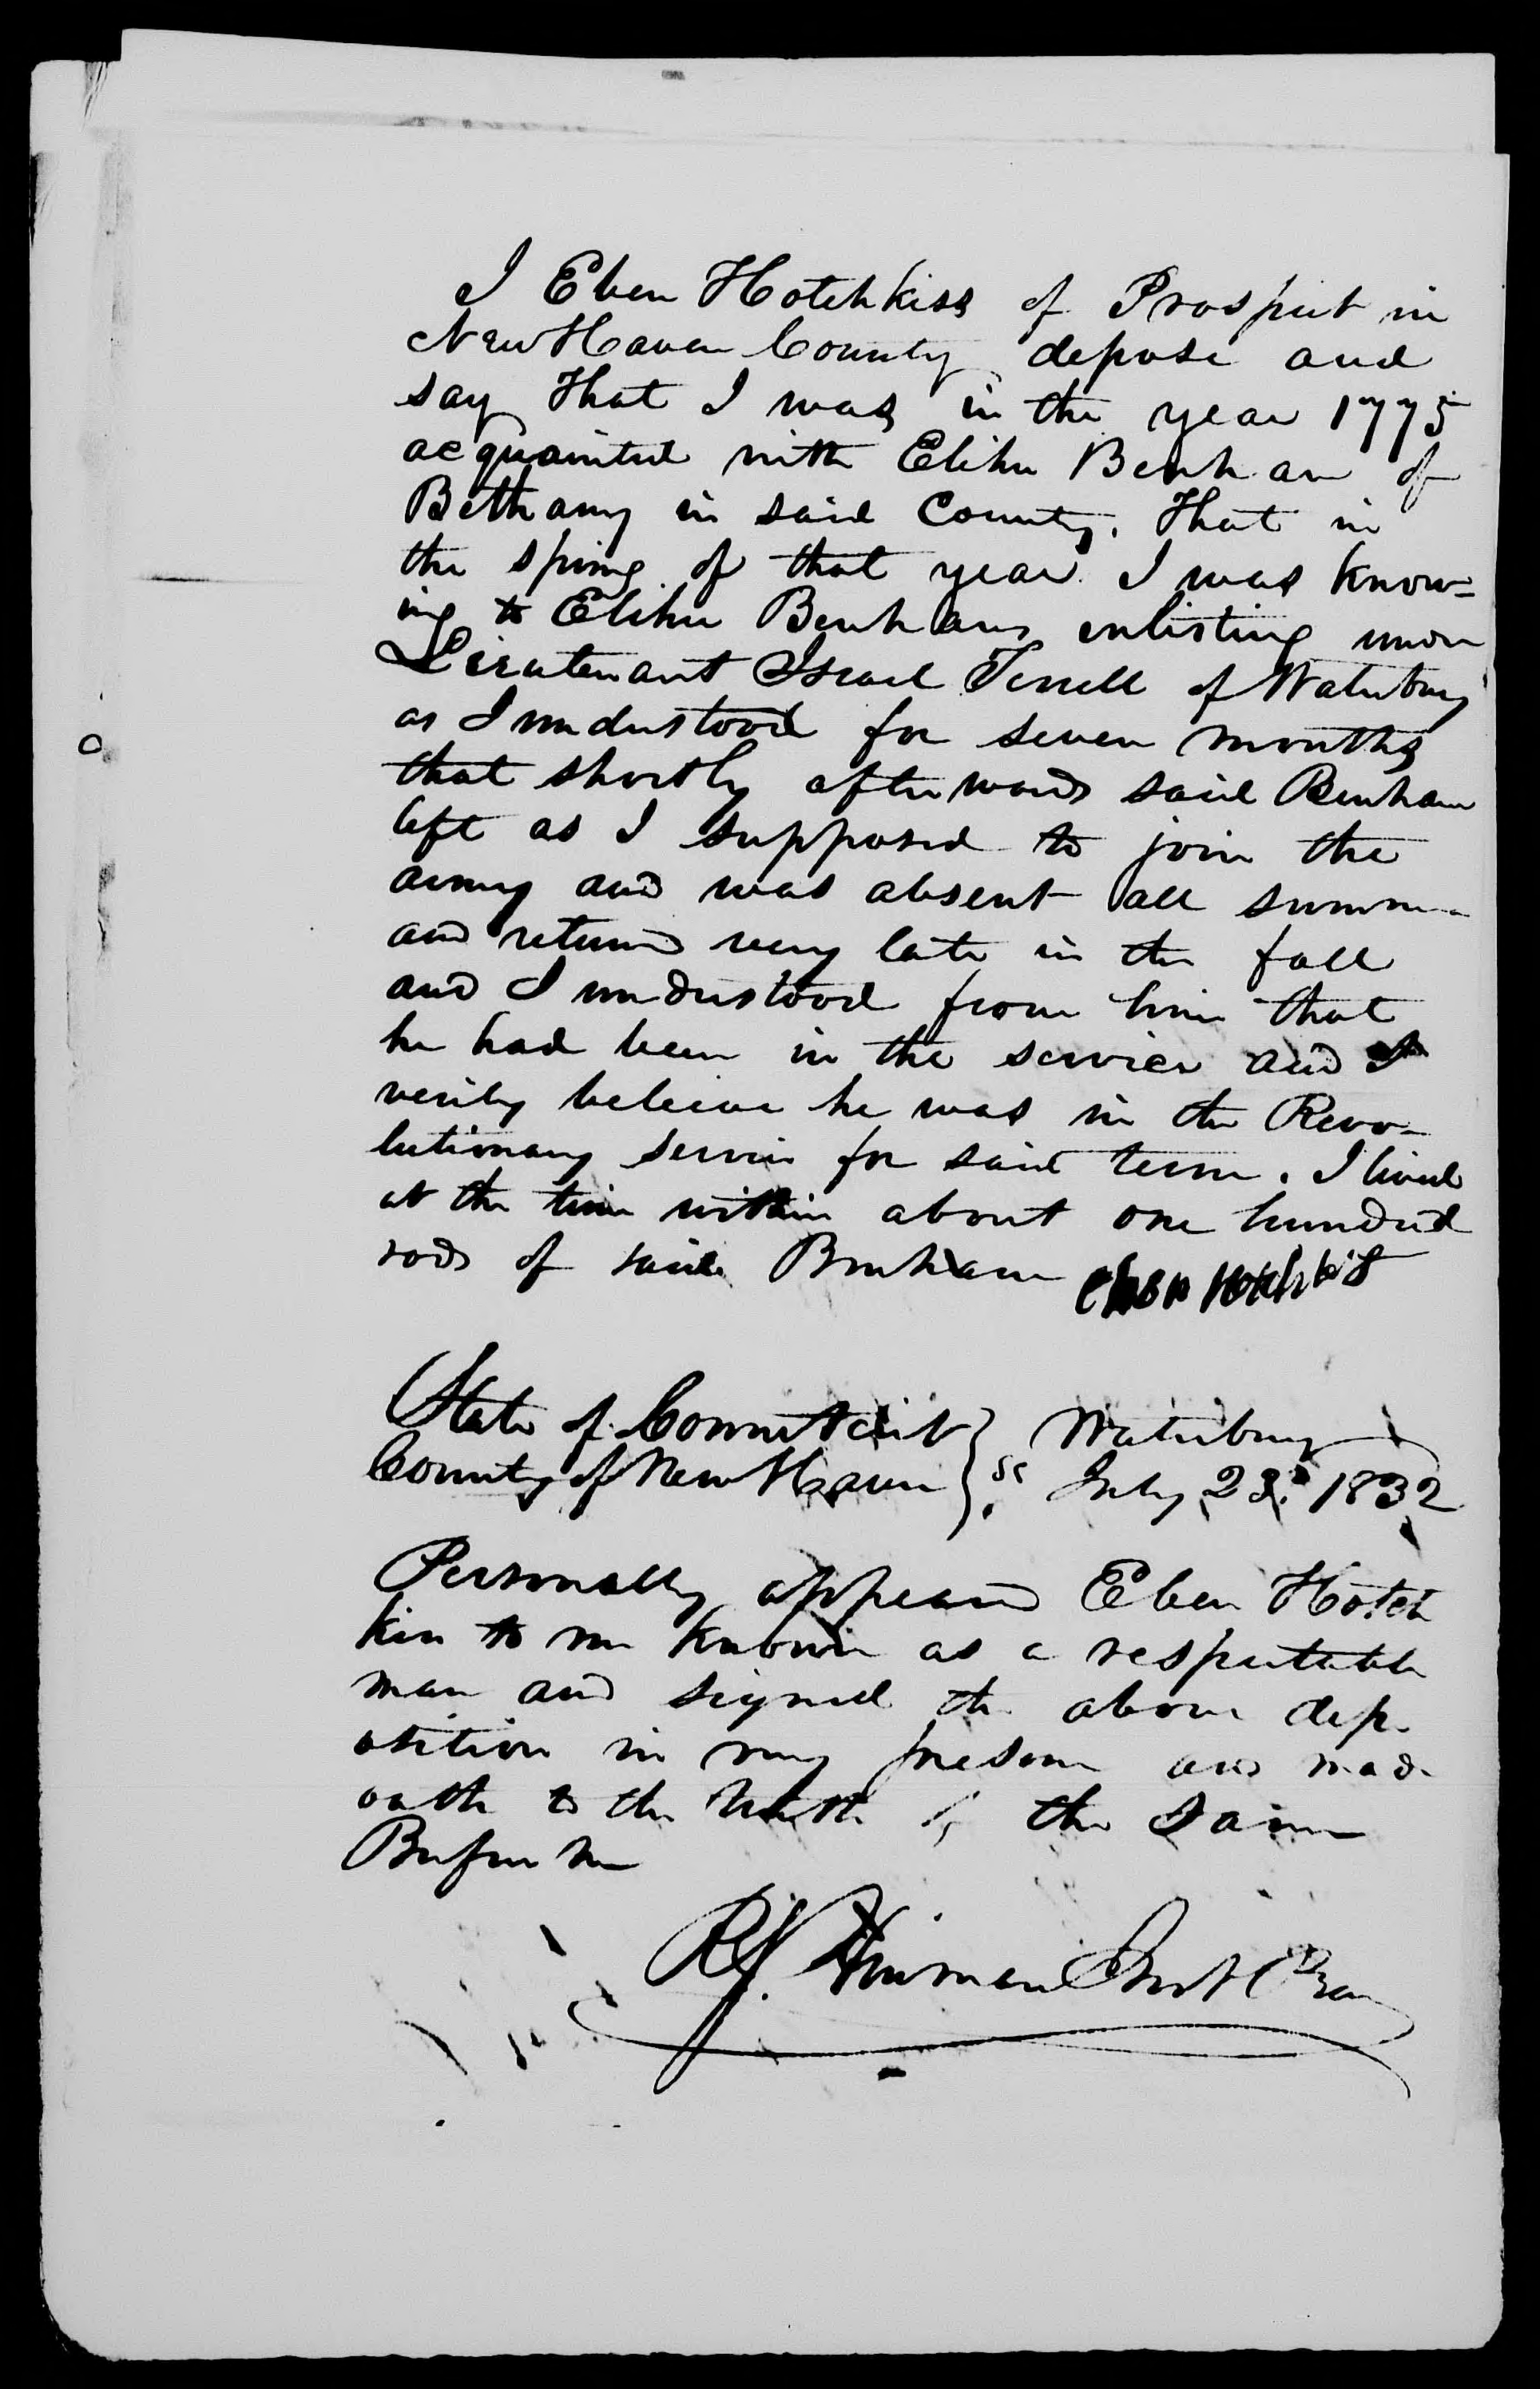I Eben Hotchkiss of Prospect in New Haven County depose and say that I was in the year 1775 acquainted with Elihu Benham of Bethany in said County. That in the spring of that year. I was knowing to Elihu Benhans enlisting under Lieutenant Israel Terrell of Waterbury as I understood for seven months that shortly afterwards said Benham left as I supposed to join the army and was absent all summer and return very late in the fall and I understood from him that he had been in the service and I verily believe he was in the Revolutionary service for said term. I lived at the time within about one hundred rods of said Benham
Eben Hotchkiss [signature]
State of Connecticut  County of New Haven} Waterbury July 22 1832
 Personally appeared Eben Hotchkiss to me known as a respectable man and signed the above deposition in my person and made oath to the truth of the same before me
RS. Hinman Justice of Peace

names: Benham, Eben Hotchkiss, Benham, R S Hinman, Elihu Benham, Eben Hotchkiss, Elihu Benham, Eben Hotchkiss, Israel Terrell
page: 7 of 45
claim: survivor's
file: S. 15748, Elihu Benham, Conn.